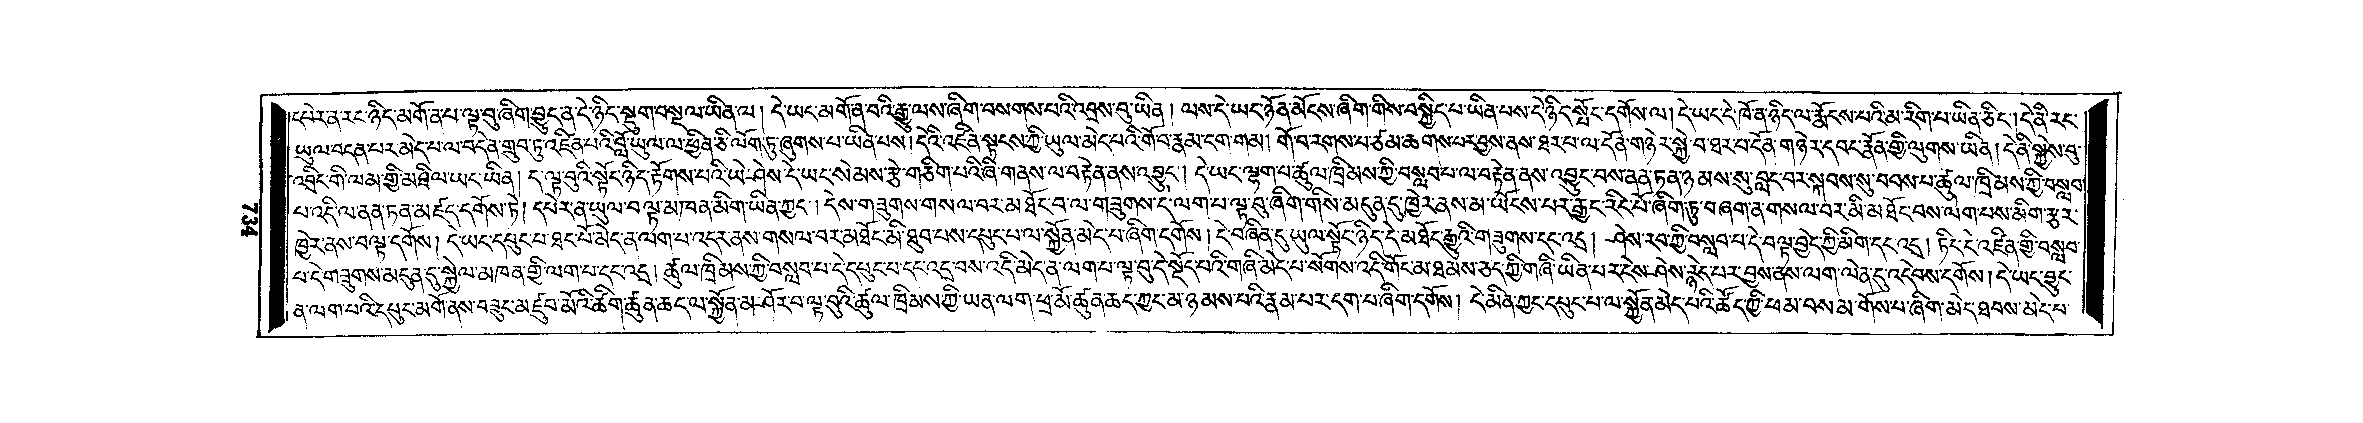དཔེར་ན་རང་ཉིད་མགོ་ན་པ་ལྟ་བུ་ཞིག་བྱུང་ན་དེ་ཉིད་སྡུག་བསྔལ་ཡིན་ལ། དེ་ཡང་མགོ་ན་བའི་རྒྱུ་ལས་ཞིག་བསགས་པའི་འབྲས་བུ་ཡིན། ལས་དེ་ཡང་ཉོན་མོངས་ཞིག་གིས་བསྐྱིད་པ་ཡིན་པས་དེ་ཉིད་སྤོང་དགོས་ལ། དེ་ཡང་དེ་ཁོ་ན་ཉིད་ལ་རྨོངས་པའི་མ་རིག་པ་ཡིན་ཅིང་། དེ་ནི་རང་
ཡུལ་བདན་པར་མེད་པ་ལ་བདེན་གྲུབ་ཏུ་འཛིན་པའི་བློ་ཡུལ་ལ་ཕྱིན་ཅི་ལོག་ཏུ་ཞུགས་པ་ཡིན་པས། དེའི་འཛིན་སྟངས་ཀྱི་ཡུལ་མེད་པའི་གོ་བ་རྣམ་དག་གམ། གོ་བ་རགས་པ་ཙམ་ཆགས་པར་བྱས་ནས་ཐར་པ་ལ་དོན་གཉེར་སྐྱེ་བ་ཐར་པ་དོན་གཉེར་དབང་རྣོན་གྱི་ལུགས་ཡིན། དེ་ནི་སྐྱེས་བུ་
འབྲིང་གི་ལམ་གྱི་མཐིལ་ཡང་ཡིན། ད་ལྟ་བུའི་སྟོང་ཉིད་རྟོགས་པའི་ཡེ་ཤེས་དེ་ཡང་སེམས་རྩེ་གཅིག་པའི་ཞི་གནས་ལ་བརྟེན་ནས་འབྱུང་། དེ་ཡང་ལྷག་པ་ཚུལ་ཁྲིམས་ཀྱི་བསླབ་པ་ལ་བརྟེན་ནས་འབྱུང་བས་ནན་ཏན་ཉམས་སུ་བླང་བར་སྐབས་སུ་བབས་པ་ཚུལ་ཁྲིམས་ཀྱི་བསླབ་
པ་འདི་ལ་ནན་ཏན་མཛད་དགོས་ཏེ། དཔེར་ན་ཡུལ་བལྟ་མཁན་མིག་ཡིན་ཀྱང་། དེས་གཟུགས་གསལ་བར་མཐོང་བ་ལ་གཟུགས་དེ་ལག་པ་ལྟ་བུ་ཞིག་གིས་མདུན་དུ་ཁྱེར་ནས་མ་ཡོངས་པར་རྒྱང་རིང་པོ་ཞིག་ཏུ་བཞག་ན་གསལ་བར་མི་མཐོང་བས་ལག་པས་མིག་རྩར་
ཁྱེར་ནས་བལྟ་དགོས། དེ་ཡང་དཔུང་པ་ཐང་པོ་མེད་ན་ལག་པ་འདར་ནས་གསལ་བར་མཐོང་མི་ཐུབ་པས་དཔུང་པ་ལ་སྐྱོན་མེད་པ་ཞིག་དགོས། དེ་བཞིན་དུ་ཡུལ་སྟོང་ཉིད་དེ་མཐོང་རྒྱུའི་གཟུགས་དང་འདྲ། ཤེས་རབ་ཀྱི་བསླབ་པ་དེ་བལྟ་བྱེད་ཀྱི་མིག་དང་འདྲ། ཏིང་ངེ་འཛིན་གྱི་བསླབ་
པ་དེ་གཟུགས་མདུན་དུ་སྐྱེལ་མཁན་གྱི་ལག་པ་དང་འདྲ། ཚུལ་ཁྲིམས་ཀྱི་བསླབ་པ་དེ་དཔུང་པ་དང་འདྲ་བས་འདི་མེད་ན་ལག་པ་ལྟ་བུ་དེ་སྡོད་པའི་གཞི་མེད་པ་སོགས་འདི་གོང་མ་ཐམས་ཅད་ཀྱི་གཞི་ཡིན་པར་ངེས་ཤེས་རྙེད་པར་བྱས་ནས་ལག་ལེན་དུ་འདེབས་དགོས། དེ་ཡང་བྱུང་
ན་ལག་པའི་དཔུང་མགོ་ནས་བཟུང་མཛུབ་མོའི་ཚིག་ཚུན་ཆད་ལ་སྐྱོན་མ་ཤོར་བ་ལྟ་བུའི་ཚུལ་ཁྲིམས་ཀྱི་ཡན་ལག་ཕྲ་མོ་ཚུན་ཆད་ཀྱང་མ་ཉམས་པའི་རྣམ་པར་དག་པ་ཞིག་དགོས། དེ་མིན་ཀྱང་དཔུང་པ་ལ་སྐྱོན་མེད་པའི་ཚོད་ཀྱི་ཕམ་བསམ་གོས་པ་ཞིག་མེད་ཐབས་མེད་པ་